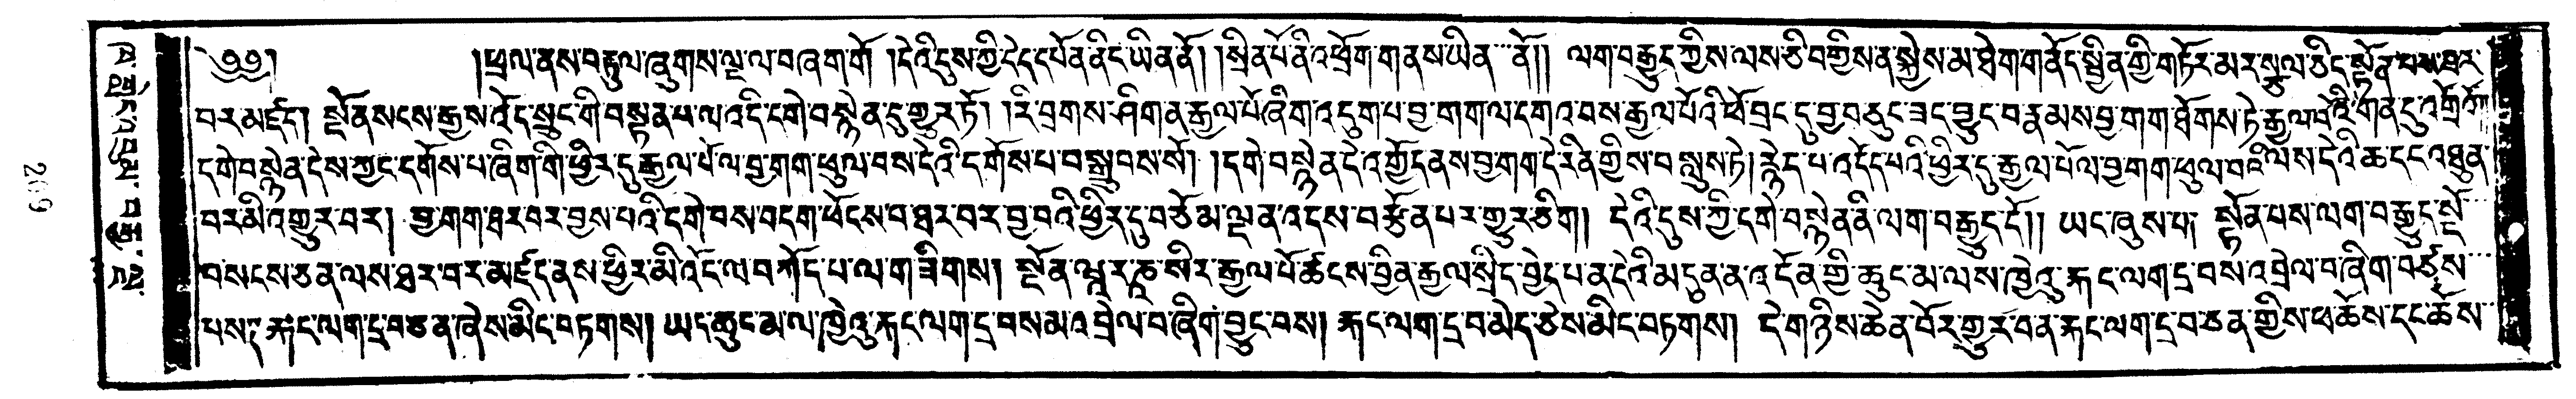༄༅། །ཕྲལ་ནས་བརྟུལ་ཞུགས་ལྔ་ལ་བཞག་གོ །དེའི་དུས་ཀྱི་དེད་དཔོན་ནིང་ཡིན་ནོ། །སྲིན་པོ་ནི་འཕྲོག་གནས་ཡིན་ནོ། །ལག་བརྒྱུད་ཀྱིས་ལས་ཅི་བགྱིས་ན་སྐྱེས་མ་ཐེག་གནོད་སྦྱིན་གྱི་གཏོར་མར་སྩལ་ཅིང་སྟོན་པས་ཐར་
བར་མཛད། སྔོན་སངས་རྒྱས་འོད་སྲུང་གི་བསྟན་པ་ལ་འདི་དགེ་བསྙེན་དུ་གྱུར་ཏོ། །རི་བྲགས་ཤིག་ན་རྒྱལ་པོ་ཞིག་འདུག་པ་བྱ་གག་ལ་དགའ་བས་རྒྱལ་པོའི་ཕོ་བྲང་དུ་བྱ་བ་ཅུང་ཟད་བྱུང་བ་རྣམས་བྱ་ག་ག་ཐོགས་ཏེ་རྒྱལ་པོའི་གན་དུ་འགྲོའོ། །
དགེ་བསྙེན་དེས་ཀྱང་དགོས་པ་ཞིག་གི་ཕྱིར་དུ་རྒྱལ་པོ་ལ་བྱ་གག་ཕུལ་བས་དེའི་དགོས་པ་བསྒྲུབས་སོ། །དགེ་བསྙེན་དེ་འགྱོད་ནས་བྱ་གག་དེ་རིན་གྱིས་བསླུས་ཏེ། རྙེད་པ་འདོད་པའི་ཕྱིར་དུ་རྒྱལ་པོ་ལ་བྱ་གག་ཕུལ་བའི་ལས་དེའི་ཆ་དང་འཐུན་
བར་མི་འགྱུར་བར། བྱ་གག་ཐར་བར་བྱས་པའི་དགེ་བས་བདག་ཕོངས་པ་ཐར་བར་བྱ་བའི་ཕྱིར་དུ་བཅོམ་ལྡན་འདས་བརྩོན་པར་གྱུར་ཅིག །དེའི་དུས་ཀྱི་དགེ་བསྙེན་ནི་ལག་བརྒྱུད་དོ། །ཡང་ཞུས་པ༑ སྟོན་པས་ལག་བརྒྱུད་སྔོ་
བསངས་ཅན་ལས་ཐར་བར་མཛད་ནས་ཕྱིར་མི་འོང་ལ་བཀོད་པ་ལ་གཟིགས། སྔོན་ཝཱ་ར་ཎཱ་སིར་རྒྱལ་པོ་ཚངས་བྱིན་རྒྱལ་སྲིད་བྱེད་པ་ན་དེའི་མདུན་ན་འདོན་གྱི་ཆུང་མ་ལས་ཁྱེའུ་རྐང་ལག་དྲ་བས་འབྲེལ་བ་ཞིག་བཙས་
པས༑ རྐང་ལག་དྲ་བ་ཅན་ཞེས་མིང་བཏགས། ཡང་ཆུང་མ་ལ་ཁྱེའུ་རྐང་ལག་དྲ་བསམ་འབྲེལ་བ་ཞིག་བྱུང་བས། རྐང་ལག་དྲ་བ་མེད་ཅེས་མིང་བཏགས། དེ་གཉིས་ཆེན་བོར་གྱུར་པ་ན་རྐང་ལག་དྲ་བ་ཅན་གྱིས་ཕ་ཆོས་དང་ཆོས་